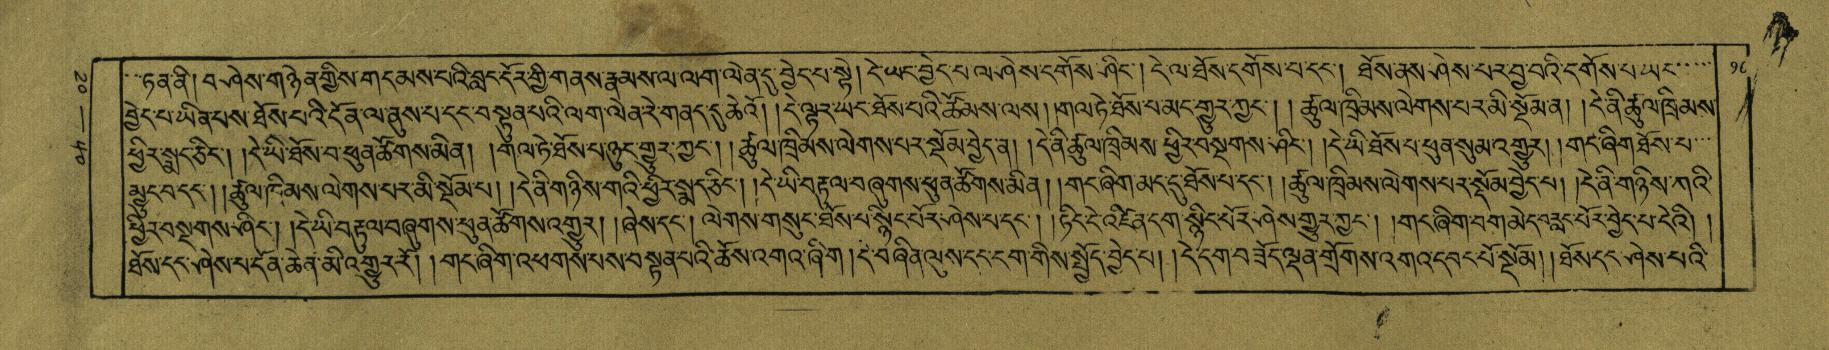ཏན་ནི། བཤེས་གཉེན་གྱིས་གདམས་པའི་བླང་དོར་གྱི་གནས་རྣམས་ལ་ལག་ལེན་དུ་བྱེད་པ་སྟེ། དེ་ཡང་བྱེད་པ་ལ་ཤེས་དགོས་ཤིང་། དེ་ལ་ཐོས་དགོས་པ་དང་། ཐོས་ནས་ཤེས་པར་བྱ་བའི་དགོས་པ་ཡང་
བྱེད་པ་ཡིན་པས་ཐོས་པའི་དོན་ལ་ནུས་པ་དང་བསྟུན་པའི་ལག་ལེན་རེ་གནད་དུ་ཆེའོ། །དེ་ལྟར་ཡང་ཐོས་པའི་ཚོམས་ལས། །གལ་ཏེ་ཐོས་པ་མང་གྱུར་ཀྱང་། །ཚུལ་ཁྲིམས་ལེགས་པར་མི་སྡོམ་ན། །དེ་ནི་ཚུལ་ཁྲིམས་
ཕྱིར་སྨད་ཅིང་། །དེ་ཡི་ཐོས་བ་ཕུན་ཚོགས་མིན། །གལ་ཏེ་ཐོས་པ་ཉུང་གྱུར་ཀྱང་། །ཚུལ་ཁྲིམས་ལེགས་པར་སྡོམ་བྱེད་ན། །དེ་ནི་ཚུལ་ཁྲིམས་ཕྱིར་བསྡགས་ཤིང་། །དེ་ཡི་ཐོས་པ་ཕུན་སུམ་འགྱུར། །གང་ཞིག་ཐོས་པ་
མྱུང་བ་དང་། །ཚུལ་ཁྲིམས་ལེགས་པར་མི་སྡོམ་པ། །དེ་ནི་གཉིས་གའི་ཕྱིར་སྨད་ཅིང་། །དེ་ཡི་བརྟུལ་བཞུགས་ཕུན་ཚོགས་མིན། །གང་ཞིག་མང་དུ་ཐོས་པ་དང་། །ཚུལ་ཁྲིམས་ལེགས་པར་སྡོམ་བྱེད་པ། །དེ་ནི་གཉིས་ཀའི་
ཕྱིར་བསྡགས་ཤིང་། །དེ་ཡི་བརྟུལ་བཞུགས་ཕུན་ཚོགས་འགྱུར། །ཞེས་དང་། ལེགས་གསུང་ཐོས་པ་སྙིང་པོར་ཤེས་པ་དང་། །ཏིང་ངེ་འཛིན་དག་སྙིང་པོར་ཤེས་གྱུར་ཀྱང་། །གང་ཞིག་བག་མེད་བརླང་པོར་བྱེད་པ་དེའི། །
ཐོས་དང་ཤེས་པ་དོན་ཆེན་མི་འགྱུར་རོ། །གང་ཞིག་འཕགས་པས་བསྟན་པའི་ཆོས་འགའ་ཞིག །དེ་བཞིན་ལུས་དང་ངག་གིས་སྤྱོད་བྱེད་པ། །དེ་དག་བཟོད་ལྡན་གྲོགས་འགའ་དབང་པོ་སྡོམ། །ཐོས་དང་ཤེས་པའི་